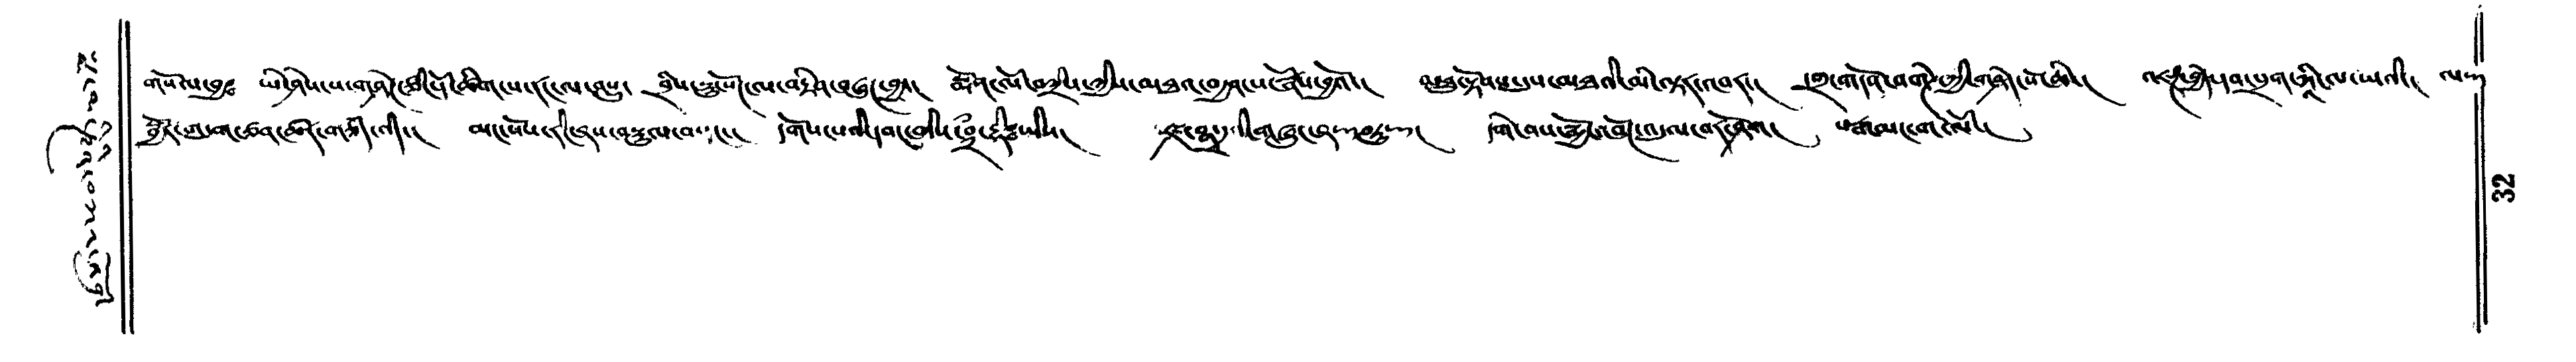གསོལ་བྱ། ཡེ་ཤེས་གཤེགས་ཤིང་དམ་ཚིག་པ་རང་ལ་བསྡུ། བྲིས་སྐུ་སོགས་ལ་བརྟེན་བཞུགས་བྱ། སྨོན་ལམ་བཀྲ་ཤིས་ཀྱིས་མཐའ་བརྒྱན་པ་རྣམས་བྱའོ།། མཐུ་སྟོབས་དུས་མཐའི་མེ་ལྟར་འབར། །དགྲ་གདོན་བགེགས་ཀྱི་གཤེད་པོ་ཆེ། །འཇིགས་བྱེད་དབང་དྲག་ཀཱི་ལ་ཡའི། །ལས་
སྦྱོར་གདུག་ཅན་ཚར་གཅོད་འདི། །མང་པོས་རིང་ནས་བསྐུལ་བ་དང་། །དགོས་པའི་དབང་གིས་ཤྲཱི་དྡྷིཿཡིས། །ཛྲ་བྷ་དྲའི་གཞུང་ནས་བཏུས། །དགར་བས་སྨྱོ་འབོགས་འདུལ་བར་ཤོག པརྦ་མངྒ་ལམ།། དགེའོ།།